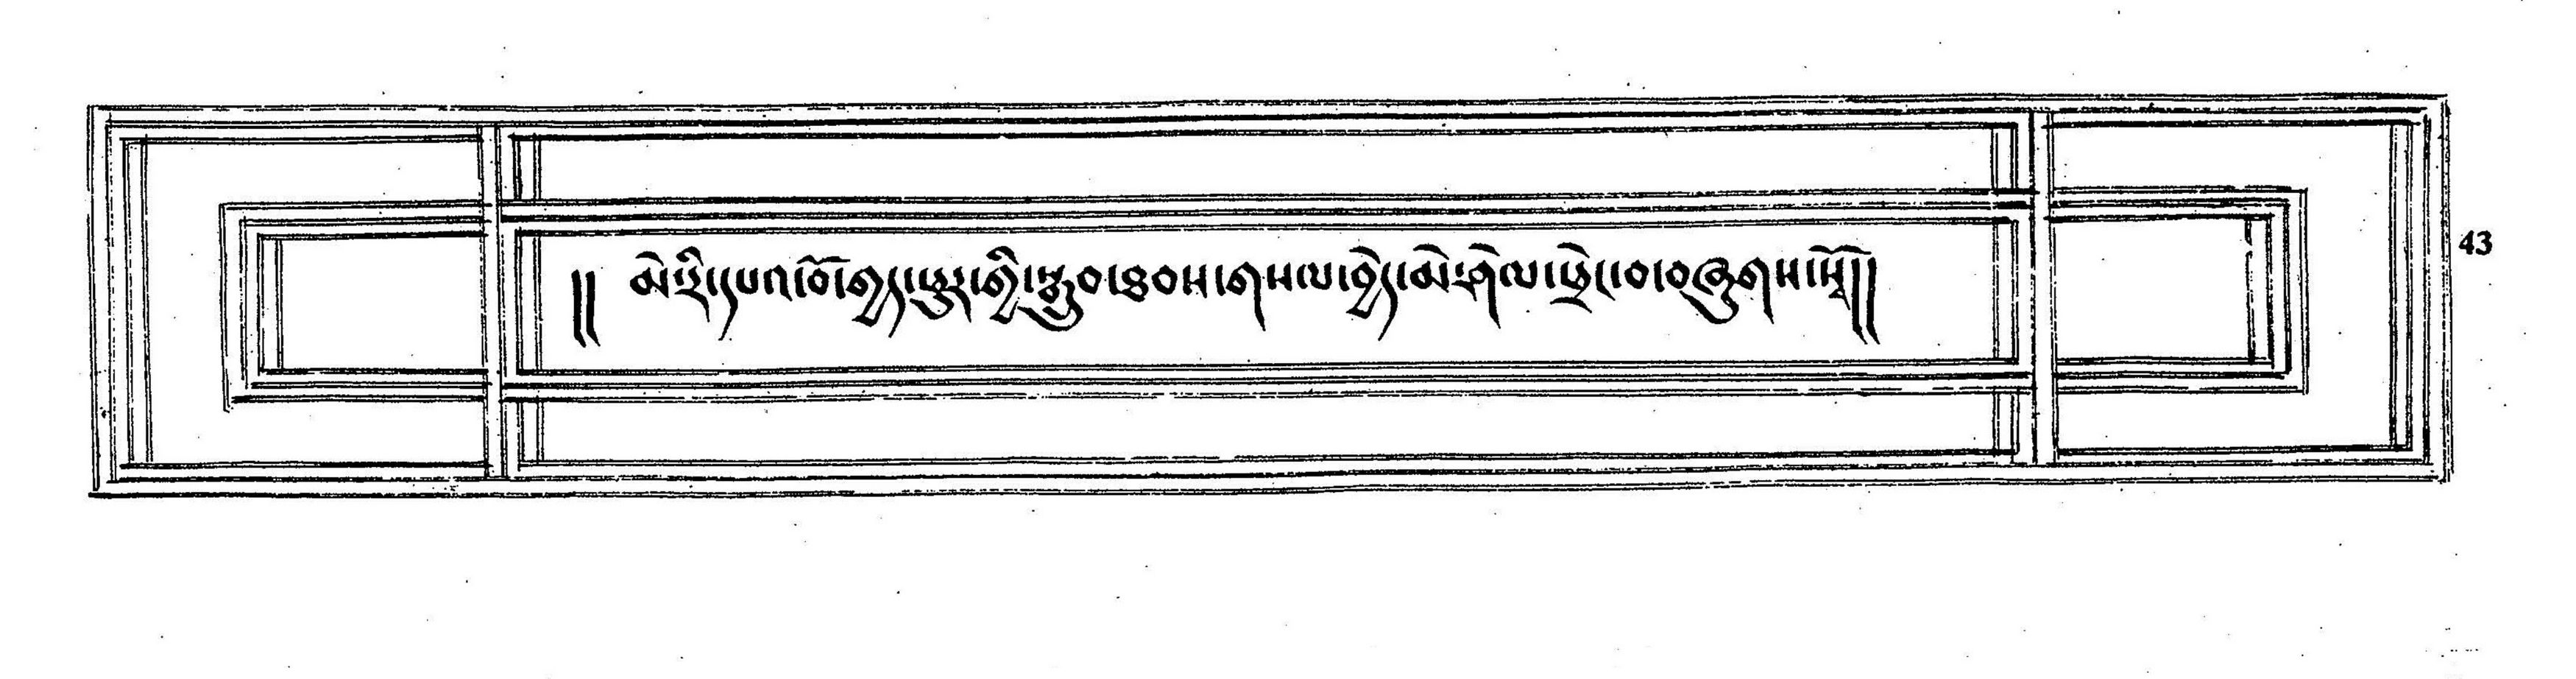།། མེ་རི་དཔའ་བོ་གྱད་ཕུར་གྱི་སྒྲུབ་ཐབས་གསལ་བྱེད་མེ་ཤེལ་ཕྲེང་བ་བཞུགས་སྭོ།།